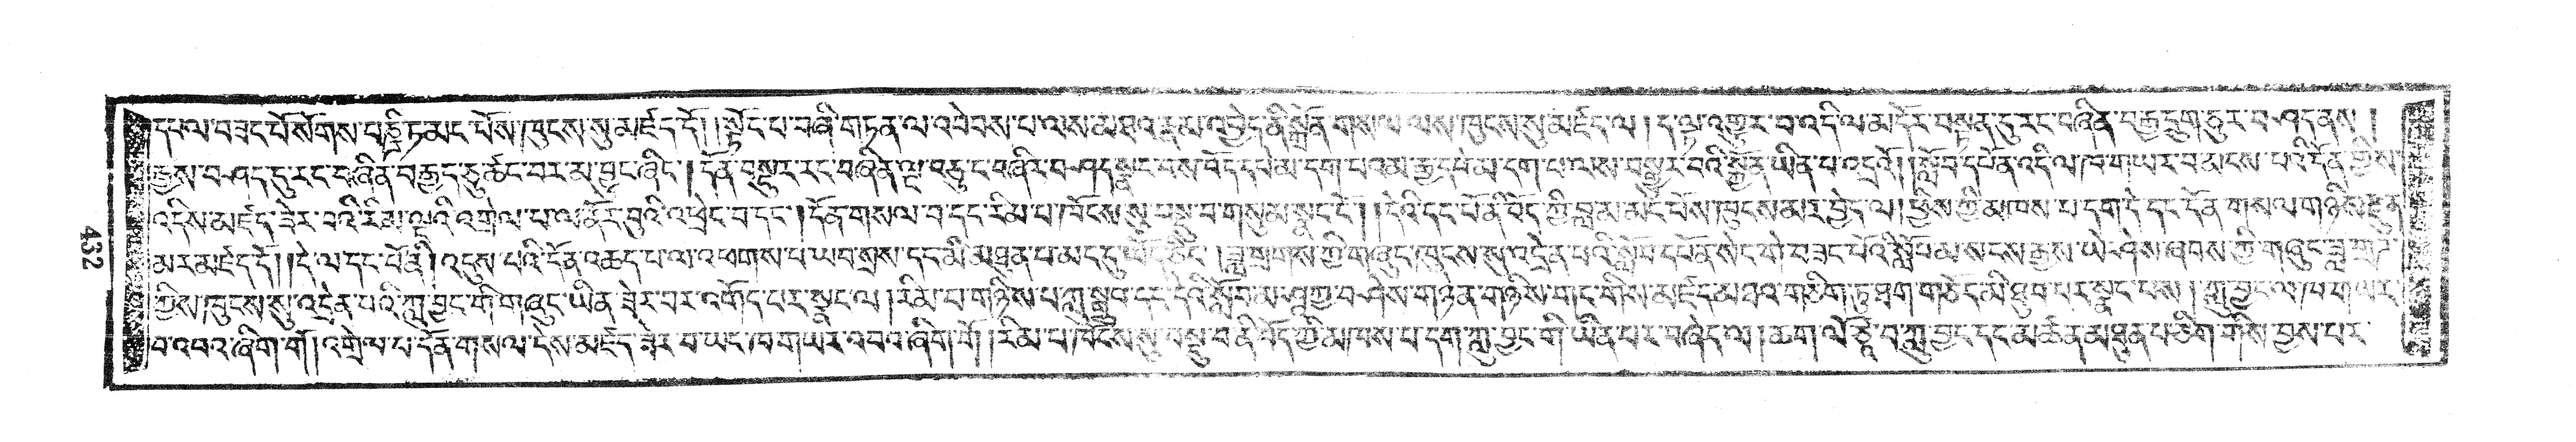དཔལ་བཟང་པོ་སོགས་པཎྜི་ཏ་མང་པོས་ཁུངས་སུ་མཛད་དོ། །སྟོང་པ་བཞི་གཏན་ལ་འབེབས་པ་ལས་མཐའ་རྣམ་འབྱེད་ནི་སྒྲོན་གསལ་ལས་ཁུངས་སུ་མཛད་ལ། ད་ལྟ་འགྱུར་བ་འདི་ལ་མདོར་བསྟན་དུ་རང་བཞིན་བརྒྱ་དྲུག་ཅུར་བཤད་ནས།
རྒྱས་བཤད་དུ་རང་བཞིན་བརྒྱད་ཅུ་ཚང་བར་མ་བྱུང་ཞིང་། དོན་བསྡུར་རང་བཞིན་ལྔ་བཅུ་ང་བཞིར་བཤད་སྣང་བས་བོད་དཔེ་མ་དག་པའམ་རྒྱ་དཔེ་མ་དག་པ་ལས་བསྒྱུར་བའི་སྐྱོན་ཡིན་པ་འདྲའོ། །སློབ་དཔོན་འདི་ལ་ཁ་གཡར་བ་མངས་པའི་དོན་གྱིས་
འདིས་མཛད་ཟེར་བའི་རིམ་ལྔའི་འགྲེལ་པ་ལ་ནོར་བུའི་འཕྲེང་བ་དང་། དོན་གསལ་བ་དང་རིམ་པ་ཁོངས་སུ་བསྡུ་བ་གསུམ་སྣང་ངོ། །དེའི་དང་པོ་ནི་བོད་ཀྱི་བླ་མ་མང་པོས་ཁུངས་མར་བྱེད་ལ། ཕྱིས་ཀྱི་མཁས་པ་དག་དེ་དང་དོན་གསལ་གཉིས་རྫུན་
མར་མཛད་དོ། །དེ་ལ་དང་པོ་ནི། འདུས་པའི་དོན་འཆད་པ་ལ་འཕགས་པ་ཡབ་སྲས་དང་མི་མཐུན་པ་མང་དུ་ཡོད་ཅིང་། ཟླ་གྲགས་ཀྱི་གཞུང་ཁུངས་སུ་འདྲེན་པའི་སློབ་དཔོན་སེང་གེ་བཟང་པོའི་སློབ་མ་སངས་རྒྱས་ཡེ་ཤེས་ཞབས་ཀྱི་གཞུང་ཟླ་གྲགས་
ཀྱིས་ཁུངས་སུ་འདྲེན་པའི་ཀླུ་བྱང་གི་གཞུང་ཡིན་ཟེར་བར་འགོད་པར་སྣང་ལ། རིམ་པ་གཉིས་པ་ཀླུ་སྒྲུབ་དང་དེའི་སློབ་མ་ཤཱཀྱ་བཤེས་གཉེན་གཉིས་གང་གིས་མཛད་མཐའ་གཅིག་ཏུ་ཐག་གཅོད་མི་ཐུབ་པར་སྣང་པས། ཀླུ་བྱང་ལ་ཁ་གཡར་
བ་འབའ་ཞིག་གོ །འགྲེལ་པ་དོན་གསལ་དེས་མཛད་ཟེར་བ་ཡང་ཁ་གཡར་འབའ་ཞིག་གོ །རིམ་པ་ཁོངས་སུ་བསྡུ་བ་ནི་བོད་ཀྱི་མཁས་པ་དག་ཀླུ་བྱང་གི་ཡིན་པར་བཞེད་ལ། ཆག་ལོ་ཙཱ་བ་ཀླུ་བྱང་དང་མཚན་མཐུན་པ་ཅིག་གིས་བྱས་པར་